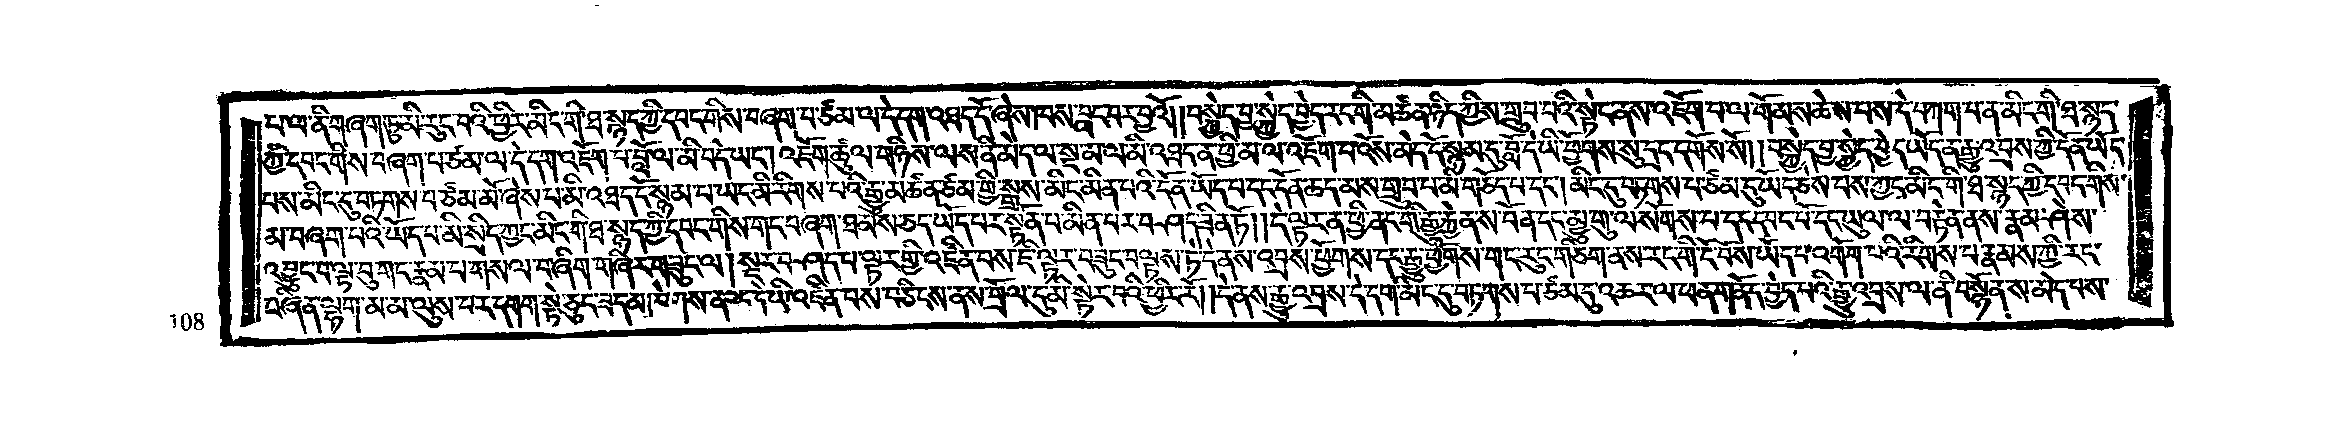པ་ལ་ནི་གཞག་ཏུ་མི་རུང་བའི་ཕྱིར་མིང་གི་ཐ་སྙད་ཀྱི་དབང་གིས་བཞག་པ་ཙམ་ལ་དེ་དག་འཐད་དོ་ཞེས་ཁས་བླང་བར་བྱའོ། །བསྐྱེད་བྱ་སྐྱེད་བྱེད་རང་གི་མཚན་ཉིད་ཀྱིས་གྲུབ་པའི་སྟེང་ནས་འཇོག་པ་ལ་གོམས་ཆེས་པས་དེ་བཀག་པ་ན་མིང་གི་ཐ་སྙད་
ཀྱི་དབང་གིས་བཞག་པ་ཙམ་ལ་དེ་དག་འཇོག་པ་བློ་ལ་མི་བདེ་ཡང་། འཇོག་ཚུལ་གཉིས་ལས་ནི་མེད་ལ་སྔ་མ་ལ་མི་འཐད་ན་ཕྱི་མ་ལ་འཇོག་པ་འོས་མེད་དོ་སྙམ་དུ་བློ་དེ་ཡི་ཕྱོགས་སུ་དྲང་དགོས་སོ། །བསྐྱེད་བྱ་སྐྱེད་བྱེད་ཡོད་ན་རྒྱུ་འབྲས་ཀྱི་དོན་ཡོད་
པས་མིང་དུ་བཏགས་པ་ཙམ་མོ་ཞེས་པ་མི་འཐད་དོ་སྙམ་པ་ཡང་མི་རིགས་པའི་རྒྱུ་མཚན་ཙམ་གྱིས་གྲས་མིང་མིན་པའི་དོན་ཡོད་པ་དང་དོན་ཆད་མས་གྲུབ་པ་མི་གཅོད་པ་དང་། མིང་དུ་བཏགས་པ་ཙམ་དུ་ཡོད་ཅེས་པས་ཀྱང་མིང་གི་ཐ་སྙད་ཀྱི་དབང་གིས་
མ་བཞག་པའི་ཡོད་པ་མི་སྲིད་ཀྱང་མིང་གི་ཐ་སྙད་ཀྱི་དབང་གིས་གང་བཞག་ཐམས་ཅད་ཡོད་པར་སྟོན་པ་མིན་པར་བཤད་ཟིན་ཏོ། །དེ་ལྟར་ན་ཕྱི་ནང་གི་རྒྱུ་རྐྱེན་ས་བོན་དང་མྱུ་གུ་ལ་སོགས་པ་དང་དབང་པོ་དང་ཡུལ་ལ་བརྟེན་ནས་རྣམ་ཤེས་
འབྱུང་བ་ལྟ་བུ་གང་རྣམ་པ་གསལ་བ་ཞིག་གཞིར་གཟུང་ལ། སྔར་བཤད་པ་ལྟར་གྱི་འཛིན་པས་ཇི་ལྟར་བཟུང་བལྟས་ཏེ་དེ་ནས་འབྲས་ཕྱོགས་དང་རྒྱུ་ཕྱོགས་གང་རུང་གཅིག་ནས་རང་གི་ངོ་བོས་ཡོད་པ་འགོག་པའི་རིགས་པ་རྣམས་ཀྱི་རང་
བཞིན་ལྷག་མ་མ་ལུས་པར་དགག་སྟེ་ཅུང་ཟད་མ་ཁེགས་ནའང་དེ་ཡི་འཛིན་པས་བཅིངས་ནས་གྲོལ་དུ་མི་སྟེར་བའི་ཕྱིར་རོ། །དེ་ནས་རྒྱུ་འབྲས་དེ་དག་མིང་དུ་བཏགས་པ་ཙམ་དུ་འཆར་ལ་ཕན་གནོད་བྱེད་པའི་རྒྱུ་འབྲས་ལ་ནི་བསྙོན་ས་མེད་པས་